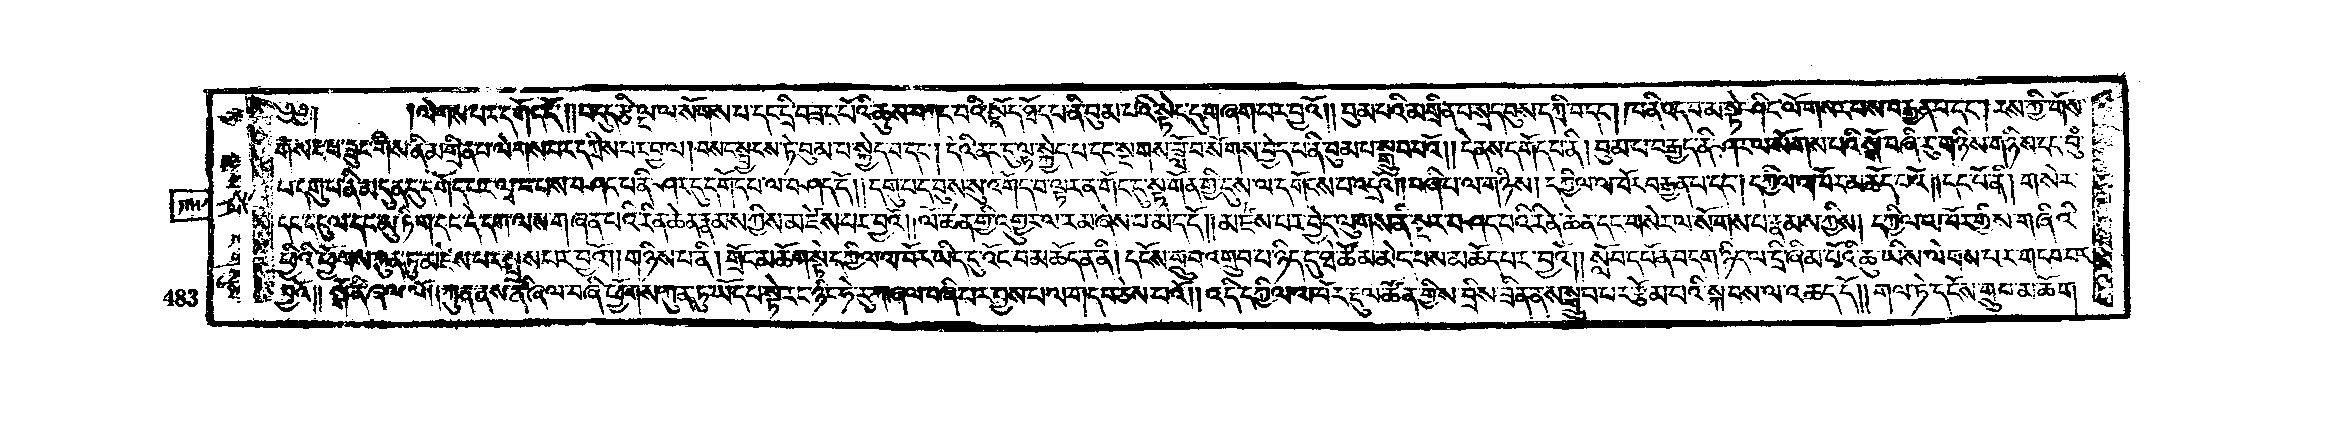༄༅། །ལེགས་པར་དགོད་དོ། །བདུད་རྩི་ལྔ་ལ་སོགས་པ་དང་དྲི་བཟང་པོའི་ཆུས་བཀང་བའི་སྣོད་ཐོད་པ་ནི་བུམ་པའི་སྟེང་དུ་གཞག་པར་བྱའོ། །བུམ་པའི་མགྲིན་པ་སྲད་བུས་དཀྲི་བ་དང་། ཁ་ནི་འདབ་མ་སྟེ་ཤིང་ལོ་གསར་པས་བརྒྱན་པ་དང་། རས་ཀྱི་གོས་
གསར་པ་ཟུང་གིས་ནི་མགྲིན་པ་ལེགས་པར་དཀྲིས་པར་བྱ་ལ། བསང་སྦྱངས་ཏེ་བུམ་པ་སྐྱེད་བ་དང་། དེའི་ནང་དུ་ལྷ་སྐྱེད་པ་དང་སྔགས་ཟློ་བ་སོགས་བྱེད་པ་ནི་བུམ་པ་སྒྲུབ་པའོ། །དེ་ནས་དགོད་པ་ནི། བུམ་པ་བརྒྱད་ནི་ཤར་ལ་སོགས་པའི་སྒོ་བཞི་རུ་གཉིས་གཉིས་དང་བུམ་
པ་དགུ་པ་ནི་མདུན་དུ་དགོད་པར་ལྭ་བ་པས་བཤད་པ་ནི་ཤར་དུ་དགོད་པ་ལ་བཤད་དོ། །དགུ་པ་དབུས་སུ་འགོད་པ་ལྟར་ན་གོང་དུ་སྟ་གོན་གྱི་དུས་ལ་དགོངས་པ་འདྲའོ། །བཞི་པ་ལ་གཉིས། དཀྱིལ་འཁོར་བརྒྱན་པ་དང་། དཀྱིལ་འཁོར་མཆོད་པའོ། །དང་པོ་ནི། གསེར་
དང་དངུལ་དང་མུ་ཏིག་དང་དེ་དག་ལས་གཞན་པའི་རིན་ཆེན་རྣམས་ཀྱིས་མཛེས་པར་བྱའོ། །ལོ་ཆེན་གྱི་འགྱུར་ལ་རམ་ཞེས་པ་མེད་དོ། །མཛེས་པར་བྱེད་ལུགས་ནི་སྔར་བཤད་པའི་རིན་ཆེན་དང་གསེར་ལ་སོགས་པ་རྣམས་ཀྱིས། དཀྱིལ་འཁོར་གྱི་ས་གཞིའི་
ཕྱིའི་ཕྱོགས་ཀུན་ཏུ་མཛེས་པར་སྤྲས་པར་བྱའོ། །གཉིས་པ་ནི། གྲོང་མཆོག་སྟེ་དཀྱིལ་འཁོར་ཡིད་དུ་འོང་བ་མཆོད་ན་ནི། དངོས་གྲུབ་འགྲུབ་པ་ཉིད་དུ་ཐེ་ཚོམ་མེད་པས་མཆོད་པར་བྱའོ། །སློབ་དཔོན་བདག་ཉིད་ལ་དྲི་ཞིམ་པོའི་ཆུ་ཡིས་ལེགས་པར་གདབ་པར་
བྱའོ། །སྒོ་ནི་ཞལ་ལོ། །ཀུན་ནས་ནི་ཞལ་བཞི་ཕྱོགས་ཀུན་ཏུ་ཡོད་པ་སྟེ་རང་ཉིད་ཧེ་རུ་ཀ་ཞལ་བཞི་པར་བྱས་པ་ལ་གདབ་ཅེས་པའི། །འདི་དཀྱིལ་འཁོར་རྡུལ་ཚོན་གྱིས་བྲིས་ཟིན་ནས་སྒྲུབ་པར་རྩོམ་པའི་སྐབས་ལ་འཆད་དོ། །གལ་ཏེ་དངོས་གྲུབ་མཆོག་